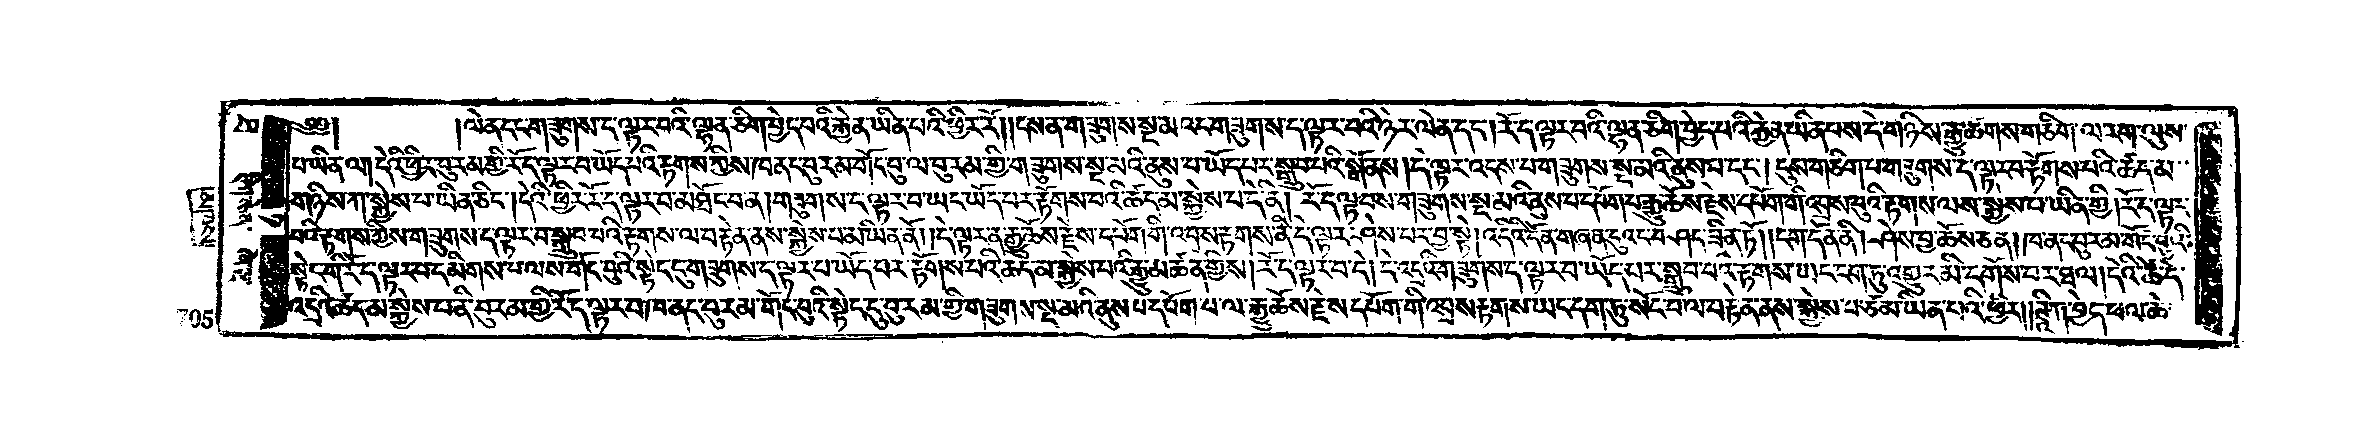༄༅། །ལེན་དང་གཟུགས་ད་ལྟར་བའི་ལྷན་ཅིག་བྱེད་པའི་རྐྱེན་ཡིན་པའི་ཕྱིར་རོ། །དེས་ན་གཟུགས་སྔ་མའང་གཟུགས་ད་ལྟར་བའི་ཉེར་ལེན་དང་། རོ་ད་ལྟར་བའི་ལྷན་ཅིག་བྱེད་པའི་རྐྱེན་ཡིན་པས་དེ་གཉིས་རྒྱུ་ཚགས་གཅིག་ལ་རག་ལུས་
པ་ཡིན་ལ། དེའི་ཕྱིར་བུ་རམ་གྱི་རོ་ད་ལྟར་བ་ཡོད་པའི་རྟགས་ཀྱིས་ཁ་ནང་བུ་རམ་གོང་བུ་རམ་གྱི་གཟུགས་སྔ་མའི་ནུས་པ་ཡོད་པར་སྒྲུབ་པའི་སྒོ་ནས། དེ་ལྟར་འདས་པ་གཟུགས་སྔ་མའི་ནུས་པ་དང་། དུས་གཅིག་པ་གཟུགས་ད་ལྟར་བརྟོགས་པའི་ཚད་མ་
གཉིས་ཀ་སྐྱེས་པ་ཡིན་ཅིང་། དེའི་ཕྱིར་རོ་ད་ལྟར་བ་མཐོང་བ་ན། གཟུགས་ད་ལྟར་བ་ཡང་ཡོད་པར་རྟོགས་པའི་ཚད་མ་སྐྱེས་པ་དེ་ནི། རོ་ད་ལྟ་བས་གཟུགས་སྔ་མའི་ནུས་པ་དཔོག་པ་རྒྱུ་ཆོས་རྗེས་དཔོག་གི་འབྲས་བུའི་རྟགས་ལས་སྐྱེས་པ་ཡིན་གྱི། རོ་ད་ལྟར་
བའི་རྟགས་ཀྱིས་གཟུགས་ད་ལྟར་བ་སྒྲུབ་པའི་རྟགས་ལ་བརྟེན་ནས་སྐྱེས་པ་མ་ཡིན་ནོ། །དེ་ལྟར་ན་རྒྱུ་ཆོས་རྗེས་དཔོག་གི་འབྲས་རྟགས་ནི་དེ་ལྟར་ཤེས་པར་བྱ་སྟེ། འདིའི་དོན་གཞན་དུའང་བཤད་ཟིན་ཏོ། །དག་དོན་ནི། ཤེས་བྱ་ཆོས་ཅན། ཁ་ནང་བུ་རམ་གོང་བུའི་
སྟེང་གི་རོ་ད་ལྟར་བ་དམིགས་པ་ལས་གོང་བུའི་སྟེང་དུ་གཟུགས་ད་ལྟར་པ་ཡོད་པར་རྟོགས་པའི་ཚད་མ་སྐྱེས་པའི་རྒྱུ་མཚན་གྱིས། རོ་ད་ལྟར་བ་དེ། དེ་འདྲའི་གཟུགས་ད་ལྟར་བ་ཡོད་པར་སྒྲུབ་པའི་རྟགས་ཡང་དག་ཏུ་འགྱུར་མི་དགོས་པར་ཐལ། དེའི་ཚེ་དེ་
འདྲའི་ཚད་མ་སྐྱེས་པ་ནི་བུ་རམ་གྱི་རོ་ད་ལྟར་བ་ཁ་ནང་བུ་རམ་གོང་བུའི་སྟེང་དུ་བུ་རམ་གྱི་གཟུགས་སྔ་མའོ་ནུས་པ་དཔོག་པ་ལ་རྒྱུ་ཆོ༠ས་རྗེས་དཔོག་གི་འབྲས་རྟགས་ཡང་དག་སོང་བ་ལ་བརྟེན་ནས་སྐྱེས་པ་ཙམ་ཡིན་པའི་ཕྱིར། །ཊཱིཀ་བྱེད་ཕལ་ཆེ་